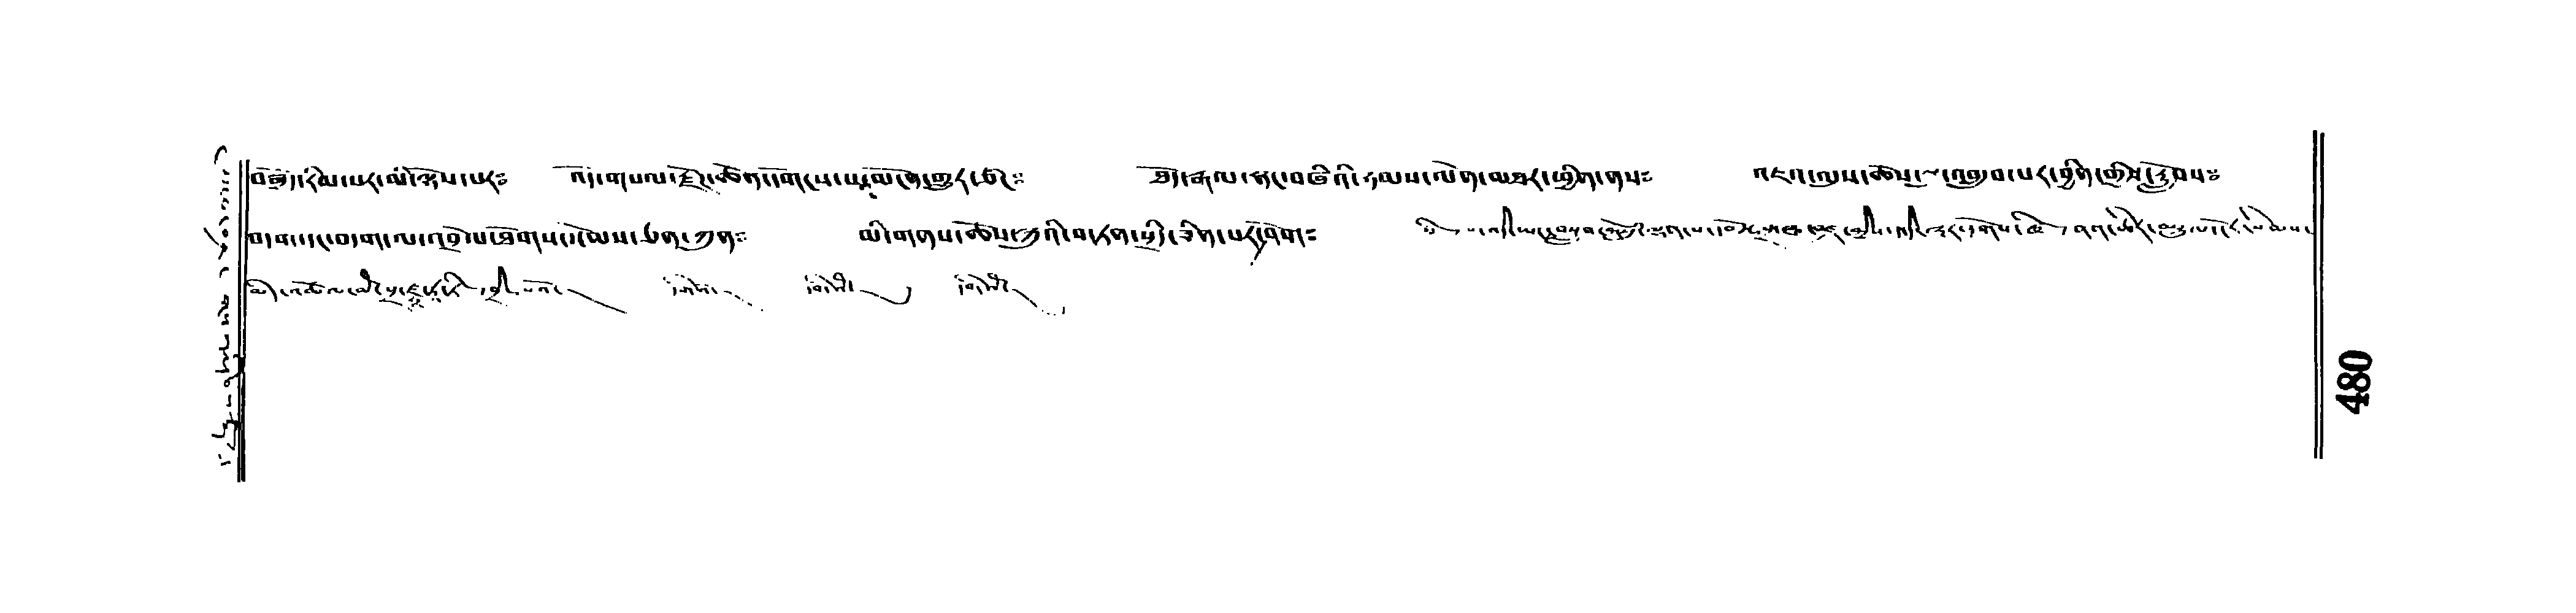བསྒྲོད་རིམ་པར་མི་ལྟོས་པར༔ འོད་གསལ་རྫོགས་ཆེན་དགོངས་པ་མངོན་གྱུར་ཅིང༔ ཐོད་རྒལ་སྣང་བཞིའི་ཉམས་ལེན་མཐར་ཕྱིན་ནས༔ འཇའ་ལུས་ཆོས་སྐུ་འགྲུབ་པར་བྱིན་གྱིས་རློབས༔ 
བདག་དང་བདག་ལ་འབྲེལ་ཐོགས་སེམས་ཅན་ཀུན༔ མི་གནས་ཆོས་སྐུའི་གཏན་སྲིད་ཟིན་པར་ཤོག༔ ཅེས་པ་འདི་ཡང་བསླབ་གསུམ་ལྡན་པ་དབོན་པྲ་ཝ་བཛྲ་གྱིས་འདི་ལྟར་དགོས་ཞེས་ནན་ཆེར་བསྐུལ་ངོར་སེམས་
མེད་འཆོལ་མོ་པྲ་ཛྙཱ་ཏཱ་རེས་བྲིས་པའོ།། དགེའོ།།